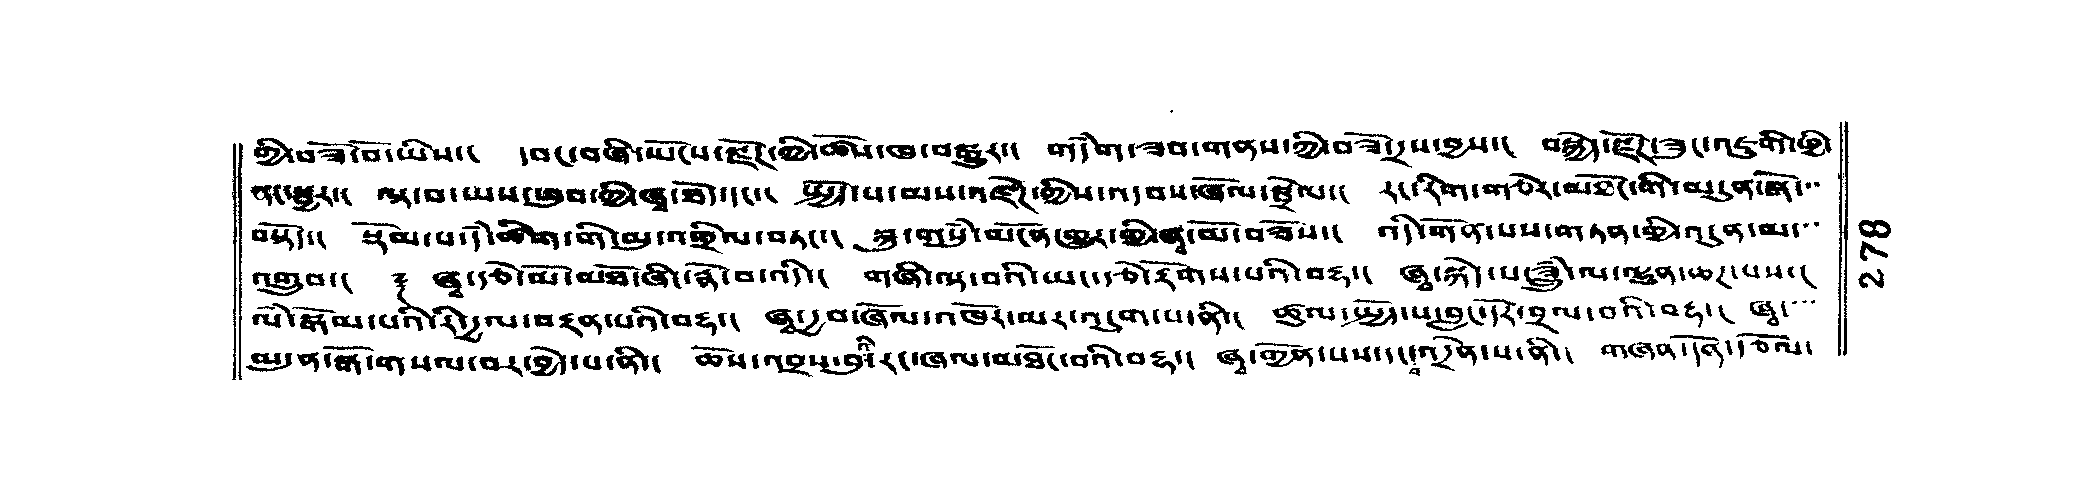གྱི་བཟོ་བོ་ཡིས། །དབང་བཞི་ཡོངས་རྫོགས་ཀྱི་ཚོས་ཁ་བསྒྱུར། །གདམས་ངག་ཟབ་གནད་ཀྱི་བཟོ་དྲས་བྱས། །བསྐྱེད་རྫོགས་ཟུང་འཇུག་གི་ཕྱི་
ནང་སྦྱར། །ལྟ་བ་ཡས་ཕུབ་ཀྱི་ཞྭ་ཐོད་དང་། །སྤྱོད་པ་མས་འཛེགས་ཀྱིས་འདབ་ཞོལ་སྦྲེལ། །རང་རིག་གཅེར་མཐོང་གི་མདུན་སྒོ་
གཏོད། །སྡོམ་པ་དམ་ཚིག་གི་མུ་འདྲིལ་བཏང་། །སྐུ་གསུམ་མངོན་གྱུར་གྱི་ཞྭ་མོ་བཟོས། །འདི་གོན་པས་གཏན་གྱི་འདུན་མ་
འགྲུབ། །ཞྭ་རྩེ་མོ་མཐོ་ཞིང་རྣོ་བ་འདི། །གཞི་ལྟ་བའི་ཡང་རྩེ་རྟོགས་པའི་བརྡ། །ཞྭ་སྐེད་པ་ཟླུམ་ལ་ལྷུན་ཆགས་པས། །
ལམ་སྒོམ་པའི་རི་རྒྱལ་བརྟན་པའི་བརྡ། །ཞྭ་རྒྱབ་ཞོལ་འཁོར་མར་འདུག་པ་ནི། །ཚུལ་སྤྱོད་པ་བླང་དོར་བྲལ་བའི་བརྡ། །ཞྭ་
མདུན་སྒོ་གསལ་བར་བྱེད་པ་ནི། །ཆོས་འབྲས་བུའི་རང་ཞལ་མཐོང་བའི་བརྡ། །ཞྭ་གྱོན་པས་དང་བ་འདྲེན་པ་ནི། །གཞན་དོན་རྩོལ་